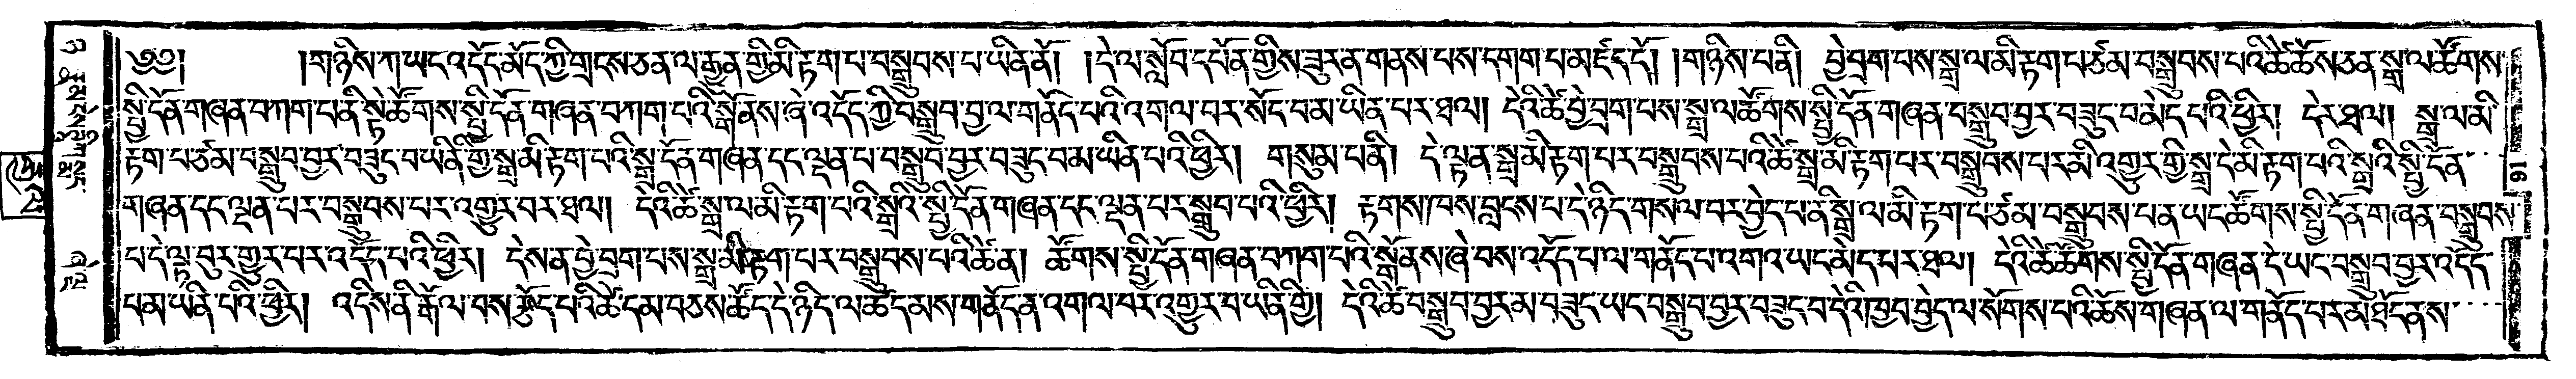༄༅། །གཉིས་ཀ་ཡང་འདོད་མོད་ཀྱི་གྲངས་ཅན་ལ་རྒྱུན་གྱི་མི་རྟག་པ་བསྒྲུབས་པ་ཡིན་ནོ། །དེ་ལ་སློབ་དཔོན་གྱིས་ཟུར་ན་གནས་པས་དགག་པ་མཛད་དོ། །གཉིས་པ་ནི། བྱེ་བྲག་པས་སྒྲ་ལ་མི་རྟག་པ་ཙམ་བསྒྲུབས་པའི་ཚེ་ཆོས་ཅན་སྒྲ་ལ་ཚོགས་
སྤྱི་དོན་གཞན་བཀག་པ་ནི་སྟེ་ཚོགས་སྤྱི་དོན་གཞན་བཀག་པའི་སྒོ་ནས་ཞེ་འདོད་ཀྱི་བསྒྲུབ་བྱ་ལ་གནོད་པའི་འགལ་བར་སོང་བ་མ་ཡིན་པར་ཐལ། དེའི་ཚེ་བྱེ་བྲག་པས་སྒྲ་ལ་ཚོགས་སྤྱི་དོན་གཞན་བསྒྲུབ་བྱར་བཟུང་བ་མེད་པའི་ཕྱིར། དེར་ཐལ། སྒྲ་ལ་མི་
རྟག་པ་ཙམ་བསྒྲུབ་བྱར་བཟུང་བ་ཡིན་གྱི་སྒྲ་མི་རྟག་པའི་སྒྲ་དོན་གཞན་དང་ལྡན་པ་བསྒྲུབ་བྱར་བཟུང་བ་མ་ཡིན་པའི་ཕྱིར། གསུམ་པ་ནི། དེ་ལྟ་ན་སྒྲ་མི་རྟག་པར་བསྒྲུབས་པའི་ཚེ་སྒྲ་མི་རྟག་པར་བསྒྲུབས་པར་མི་འགྱུར་གྱི་སྒྲ་དེ་མི་རྟག་པའི་སྒྲའི་སྤྱི་དོན་
གཞན་དང་ལྡན་པར་བསྒྲུབས་པར་འགྱུར་བར་ཐལ། དེའི་ཚེ་སྒྲ་ལ་མི་རྟག་པའི་སྒྲའི་སྤྱི་དོན་གཞན་དང་ལྡན་པར་སྒྲུབ་པའི་ཕྱིར། རྟགས་ཁས་བླངས་པ་དེ་ཉིད་གསལ་བར་བྱེད་པ་ནི་སྒྲ་ལ་མི་རྟག་པ་ཙམ་བསྒྲུབས་པ་ན་ཡང་ཚོགས་སྤྱི་དོན་གཞན་བསྒྲུབས་
པ་དེ་ལྟ་བུར་གྱུར་པར་འདོད་པའི་ཕྱིར། དེས་ན་བྱེ་བྲག་པས་སྒྲ་མི་རྟག་པར་བསྒྲུབས་པའི་ཚེ་ན། ཚོགས་སྤྱི་དོན་གཞན་བཀག་པའི་སྒོ་ནས་ཞེ་བས་འདོད་པ་ལ་གནོད་པ་འགའ་ཡང་མེད་པར་ཐལ། དེའི་ཚེ་ཚོགས་སྤྱི་དོན་གཞན་དེ་ཡང་བསྒྲུབ་བྱར་འདོད་
པ་མ་ཡིན་པའི་ཕྱིར། འདིས་ནི་རྒོལ་བས་རྩོད་པའི་ཚེ་དམ་བཅས་ཚོད་དེ་ཉིད་ལ་ཚད་མས་གནོད་ན་འགལ་བར་འགྱུར་བ་ཡིན་གྱི། དེའི་ཚེ་བསྒྲུབ་བྱར་མ་བཟུང་ཡང་བསྒྲུབ་བྱར་བཟུང་བ་དེའི་ཁྱབ་བྱེད་ལ་སོགས་པའི་ཆོས་གཞན་ལ་གནོད་པར་མཐོང་ནས་